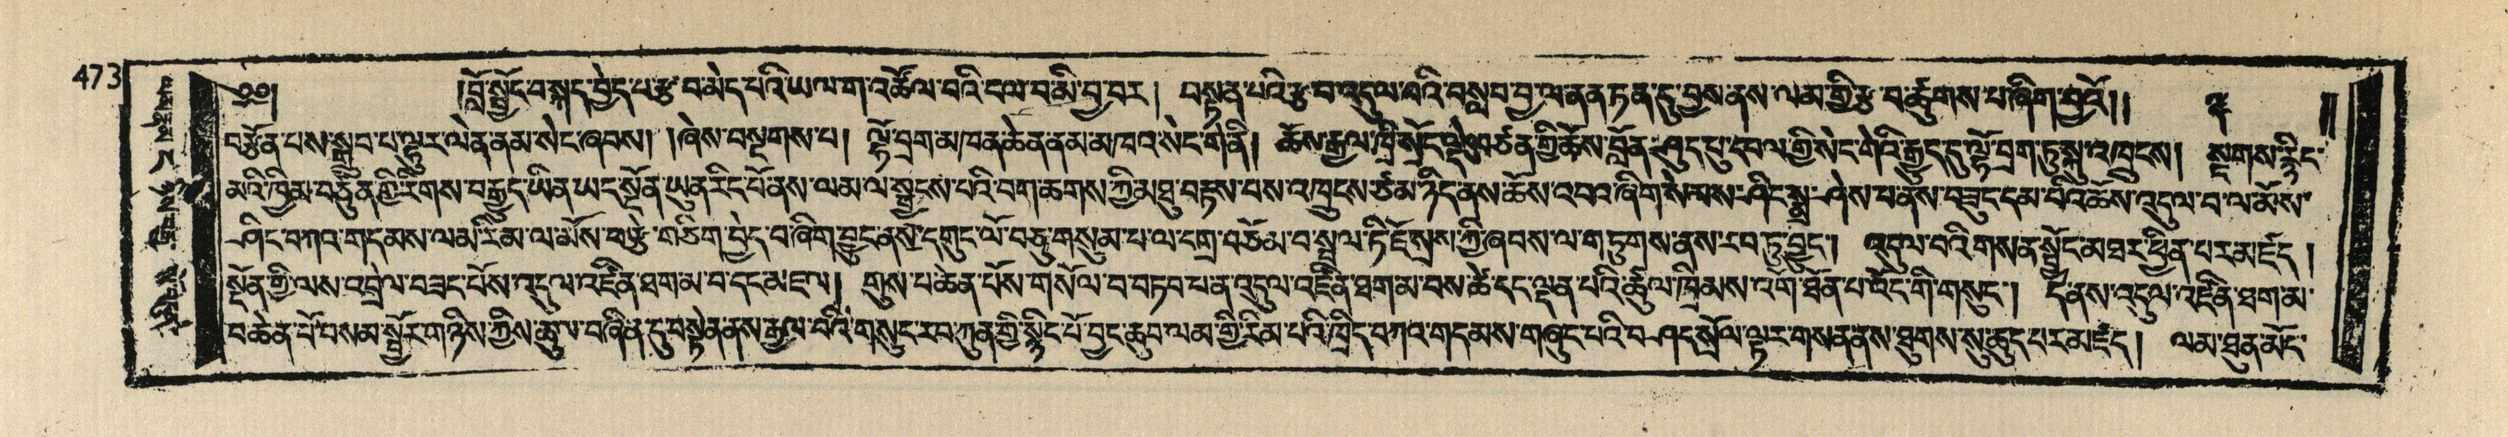༄༅། །བློ་སྦྱོང་བ་སྐད་བྱེད་པ་རྩ་བ་མེད་པའི་ཡལ་ག་འཚོལ་བའི་ངལ་བ་མི་བྱ་བར། བསྟན་པའི་རྩ་བ་འདུལ་བའི་བསླབ་བྱ་ལ་ནན་ཏན་དུ་བྱས་ནས་ལམ་གྱི་རྩ་བ་ཚུགས་པ་ཞིག་བྱའོ།། ༈ །།
བརྩོན་པས་སྒྲུབ་པ་ལྷུར་ལེན་ནམ་སེང་ཞབས། །ཞེས་བསྔགས་པ། ལྷོ་བྲག་མཁན་ཆེན་ནམ་མཁའ་སེང་གེ་ནི། ཆོས་རྒྱལ་ཁྲི་སྲོང་སྡེའུ་བཙན་གྱི་ཆོས་བློན་ཤུད་པུ་དཔལ་གྱི་སེང་གེའི་རྒྱུད་དུ་ལྷོ་བྲག་ཏུ་སྐུ་འཁྲུངས། སྔགས་རྙིང་
མའི་ཁྱིམ་བཙུན་གྱི་རིགས་བརྒྱུད་ཡིན་ཡང་སྔོན་ཡུན་རིང་པོ་ནས་ལམ་ལ་སྦྱངས་པའི་བག་ཆགས་ཀྱི་མཐུ་བརྟས་པས་འཁྲུངས་ཙམ་ཉིད་ནས་ཆོས་འབའ་ཞིག་སེང་ཤིང་སྨྲ་ཤེས་པ་ནས་བཟུང་དམ་པའི་ཆོས་འདུལ་བ་ལ་མོས་
ཤིང་བཀའ་གདམས་ལམ་རིམ་ལ་མོས་བརྩེ་གཅིག་བྱེད་བ་ཞིག་བྱུང་ནས་དགུང་ལོ་བཅུ་གསུམ་པ་ལ་དགྲ་བཅོམ་བ་སྦྲལ་ཏི་ཇོ་སྲས་ཀྱི་ཞབས་ལ་གཏུགས་ནས་རབ་ཏུ་བྱུང་། འདུལ་བའི་གསན་སྦྱོང་མཐར་ཕྱིན་པར་མཛད།
སྔོན་གྱི་ལས་འབྲེལ་བཟང་པོས་འདུལ་འཛིན་ཐག་མ་བ་དང་མཇལ། གུས་པ་ཆེན་པོས་གསོལ་བ་བཏབ་པ་ན་འདུལ་འཛིན་ཐག་མ་བས་ཚེ་དང་ལྡན་པའི་ཚུལ་ཁྲིམས་འོག་ཐོན་པ་འོང་གི་གསུང་། དེ་ནས་འདུལ་འཛིན་ཐག་མ་
བ་ཆེན་པོ་བསམ་སྦྱོར་གཉིས་ཀྱིས་ཆུ་ལ་བཞིན་དུ་བསྟེན་ནས་རྒྱལ་བའི་གསུང་རབ་ཀུན་གྱི་སྙིང་པོ་བྱང་ཆུབ་ལམ་གྱི་རིམ་པའི་ཁྲིད་བཀའ་གདམས་གཞུང་པའི་བཤད་སྲོལ་ལྟར་གསན་ནས་ཐུགས་སུ་ཆུང་པར་མཛད། ལམ་ཐུན་མོང་